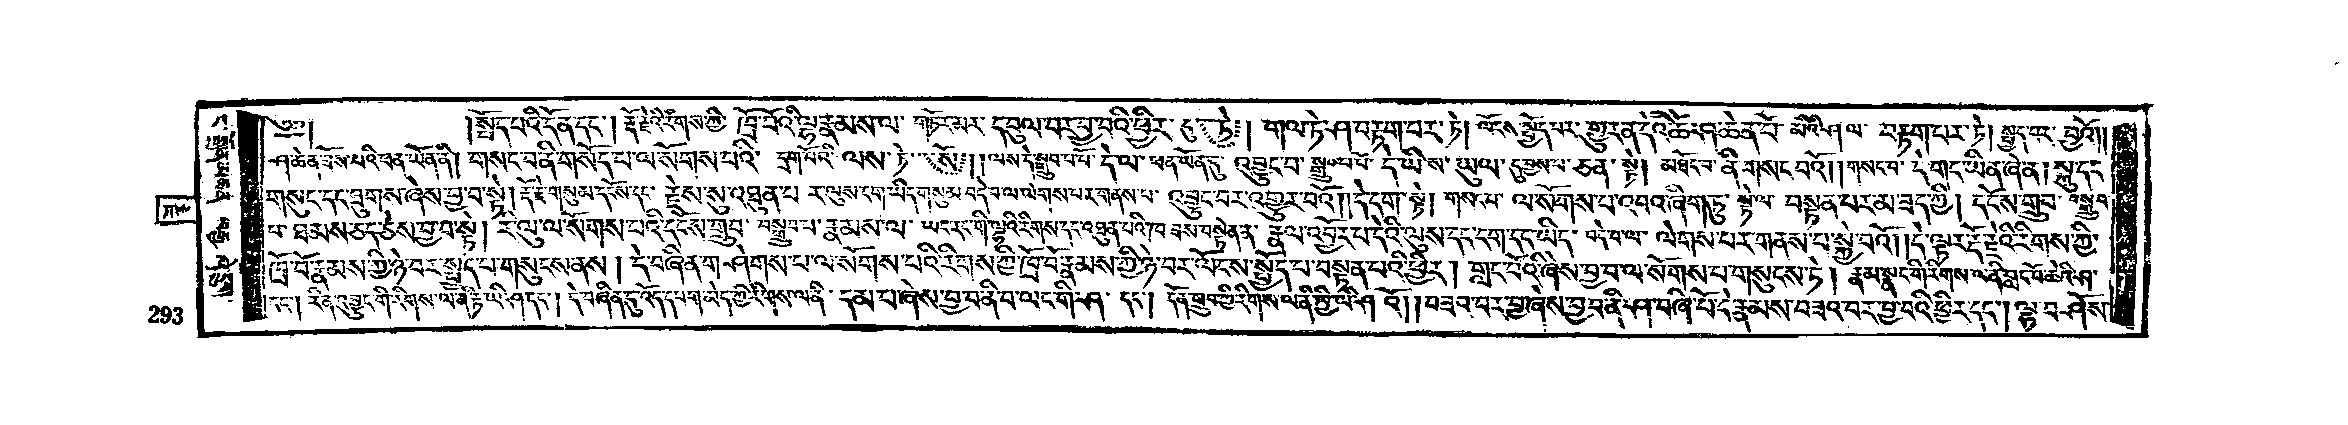༄༅། །སྤོད་པའི་དོན་དང་། རྡོ་རྗེའི་རིགས་ཀྱི་ཁྲོ་བོའི་ལྷ་རྣམས་ལ་གཏོར་མར་དབུལ་བར་བྱ་བའི་ཕྱིར་དུ་ཏེ། གལ་ཏེ་ཤ་བརྟག་པར་ཏེ། ལོངས་སྤྱོད་པར་གྱུར་ན་དེའི་ཚེ་ཤ་ཆེན་པོ་མིའི་ཤལ་བརྟག་པར་ཏེ། སྤྱད་པར་བྱའོ།།
ཤ་ཆེན་ཟོས་པའི་ཕན་ཡོན་ན།  གསང་བ་ནི་གསོད་པ་ལ་སོགས་པའི་དྲག་པོའི་ལས་ཏེ་སོ། ། ལས་དེ་སྒྲུབ་པ་པོ་དེ་ལ་ཕན་ཡོན་དུ་འབྱུང་བ་སྒྲུབ་པ་པོ་དེ་ཡིས་ཡུལ་དུ་བྱས་པ་ཅན་སྟེ། མཐོང་བ་ནི་གསང་བའོ། །གསང་བ་དེ་གང་ཡིན་ཞེ་ན། སྐུ་དང་
གསུང་དང་ཐུགས་ཞེས་བྱ་བ་སྟེ། རྡོ་རྗེ་གསུམ་དངོས་དང་རྗེས་སུ་འཐུན་པར་ལུས་ངག་ཡིད་གསུམ་བདེ་བ་ལ་ལེགས་པར་གནས་པ་འབྱུང་བར་འགྱུར་བའོ། །དེ་དག་སྟེ། གསང་བ་ལ་སོགས་པ་འབའ་ཞིག་ཏུ་སྟེ་ལ་བསྟན་པར་མ་ཟད་ཀྱི། དངོས་གྲུབ་བསྒྲུབ་
པ་ཐམས་ཅད་ཅེས་བྱ་བ་སྟེ། རི་ལུ་ལ་སོགས་པའི་དངོས་གྲུབ་བསྒྲུབ་པ་རྣམས་ལ་ཡང་རང་གི་ལྷའི་རིགས་དང་འཐུན་པའི་ཁ་ཟས་བསྟེན་ན་རྣལ་འབྱོར་པ་དེའི་ལུས་དང་ངག་དང་ཡིད་བདེ་བ་ལ་ལེགས་པར་གནས་པ་སྐྱེ་བའོ། །དེ་ལྟར་རྡོ་རྗེའི་རིགས་ཀྱི་
ཁྲོ་བོ་རྣམས་ཀྱི་ཉེ་བར་སྤྱད་པ་གསུངས་ནས། དེ་བཞིན་གཤེགས་པ་ལ་སོགས་པའི་རིགས་ཀྱི་ཁྲོ་བོ་རྣམས་ཀྱི་ཉེ་བར་ལོངས་སྤྱོད་པ་བསྟན་པའི་ཕྱིར། གླང་པོའི་ཞེས་བྱ་བ་ལ་སོགས་པ་གསུངས་ཏེ། རྣམ་སྣང་གི་རིགས་ལ་ནི་གླང་པོ་ཆེའི་ཤ་
དང་། རིན་འབྱུང་གི་རིགས་ལ་ནི་རྟ་ཡི་ཤ་དང་། དེ་བཞིན་དུ་འོད་དཔག་མེད་ཀྱི་རིགས་ལ་ནི་དམ་པ་ཞེས་བྱ་བ་ནི་བ་ལང་གི་ཤ་དང་། དོན་གྲུབ་ཀྱི་རིགས་ལ་ནི་ཁྱི་ཡི་ཤའོ། །བཟའ་བར་བྱ་ཞེས་བྱ་བ་ནི་ཤ་བཞི་པོ་དེ་རྣམས་བཟའ་བར་བྱ་བའི་ཕྱིར་དང་། ལྷ་བཤོས་